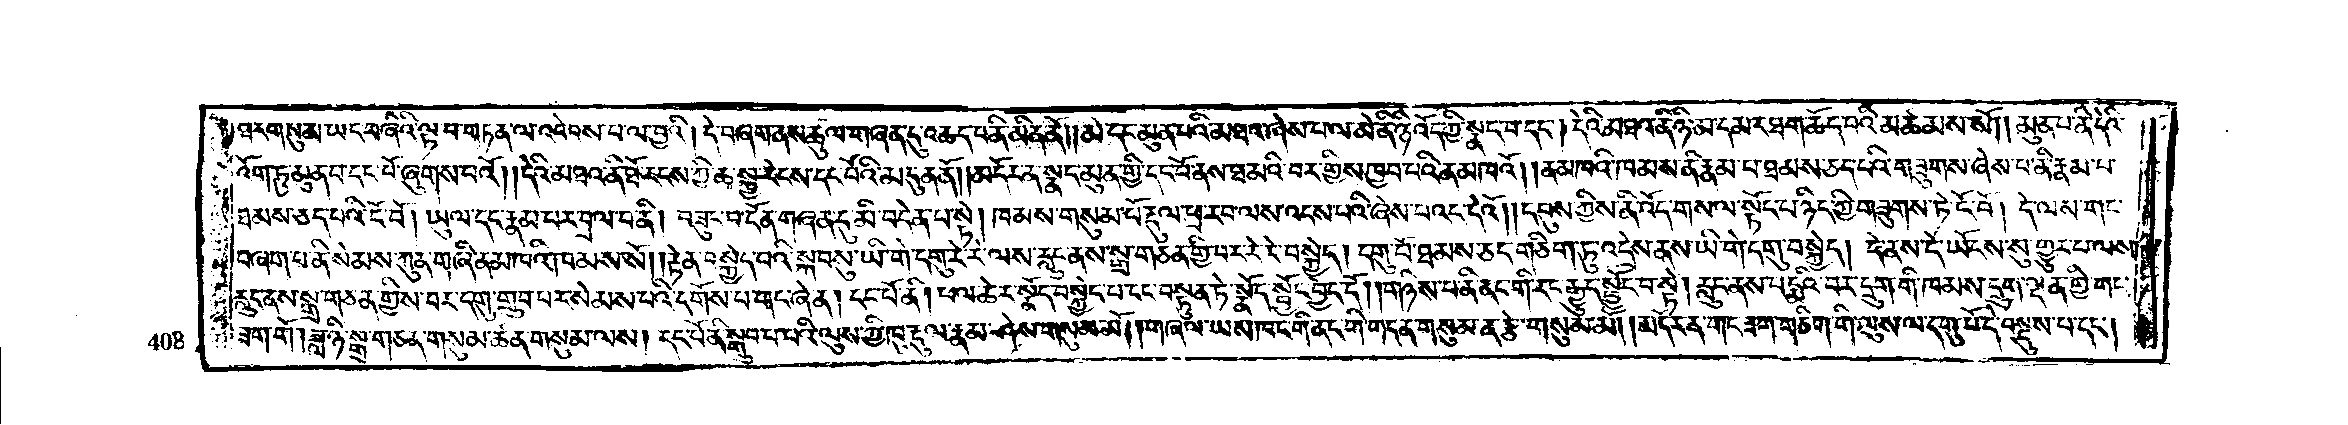ཐར་གསུམ་ཡང་བཞིའི་ལྟ་བ་གཏན་ལ་འབེབས་པ་ལ་བྱའི། དེ་བཞག་ནས་ཚུལ་གཞན་དུ་འཆད་པ་ནི་མིན་ནོ། །མེ་དང་མུན་པའི་མཐའ་ཞེས་པ་ལ་མེ་ནི་ཉི་འོད་ཀྱི་སྣང་བ་དང་། དེའི་མཐའ་ནི་ཉི་མ་དམར་ཐག་ཆོད་པའི་མཚམས་སོ། །མུན་པ་ནི་དེའི་
འོག་ཏུ་མུན་པ་དང་པོ་ཞུགས་པའོ། །དེའི་མཐའ་ནི་ཐོ་རངས་ཀྱི་ཆ་སྐྱ་རེངས་དང་པོའི་མདུན་ནོ། །མདོར་ན་སྣང་མུན་གྱི་དང་པོ་ནས་ཐ་མའི་བར་གྱིས་ཁྱབ་པའི་ནམ་མཁའོ། །ནམ་མཁའི་ཁམས་ནི་རྣམ་པ་ཐམས་ཅད་པའི་གཟུགས་ཞེས་པ་ནི་རྣམ་པ་
ཐམས་ཅད་པའི་ངོ་བོ། ཡུལ་དང་རྣམ་པར་བྲལ་བ་ནི། བཟུང་བ་དོན་གཞན་དུ་མི་བདེན་པ་སྟེ། ཁམས་གསུམ་པོ་རྡུལ་ཕྲ་རབ་ལས་འདས་པའི་ཞེས་པའང་དེའོ། །དབུས་ཀྱིས་ནི་འོད་གསལ་སྟོང་པ་ཉིད་ཀྱི་གཟུགས་ཏེ་ངོ་བོ། དེ་ལས་གང་
བཞག་པ་ནི་སེམས་ཀུན་གཞི་ནམ་མཁའི་ཁམས་སོ། །རྟེན་བསྐྱེད་པའི་སྐབས་སུ་ཡི་གེ་དགུ་རེ་རེ་ལས་རླུང་ནས་སྒྲ་གཅན་གྱི་བར་རེ་རེ་བསྐྱེད། དགུ་པོ་ཐམས་ཅད་གཅིག་ཏུ་འདྲེས་ནས་ཡི་གེ་དགུ་བསྐྱེད། དེ་ནས་དེ་ཡོངས་སུ་གྱུར་པ་ལས་
རླུང་ནས་སྒྲ་གཅན་གྱིས་བར་དགུ་གྲུབ་པར་སེམས་པའི་དགོས་པ་གང་ཞེ་ན། དང་པོ་ནི། ཕལ་ཆེར་སྣོད་བསྐྱེད་པ་དང་བསྟུན་ཏེ་སྣོད་སྦྱོང་བྱེད་དོ། །གཉིས་པ་ནི་ནང་གི་རང་རྒྱུད་སྦྱོང་བ་སྟེ། རླུང་ནས་པདམའི་བར་དྲུག་གི་ཁམས་དྲུག་ལྡན་གྱི་གང་
ཟག་གོ །ཟླ་ཉི་སྒྲ་གཅན་གསུམ་ཚན་གསུམ་ལས། དང་པོ་ནི་སྒྲུབ་པ་པའི་ལུས་ཀྱི་ཁུ་རྡུལ་རྣམ་ཤེས་གསུམ་མོ། །གཞལ་ཡས་ཁང་གི་ནང་གི་གདན་གསུམ་ན་རྩེ་གསུམ་མོ། །མདོར་ན་གང་ཟག་གཅིག་གི་ལུས་ལ་དགུ་པོ་དེ་བསྡུས་པ་དང་།